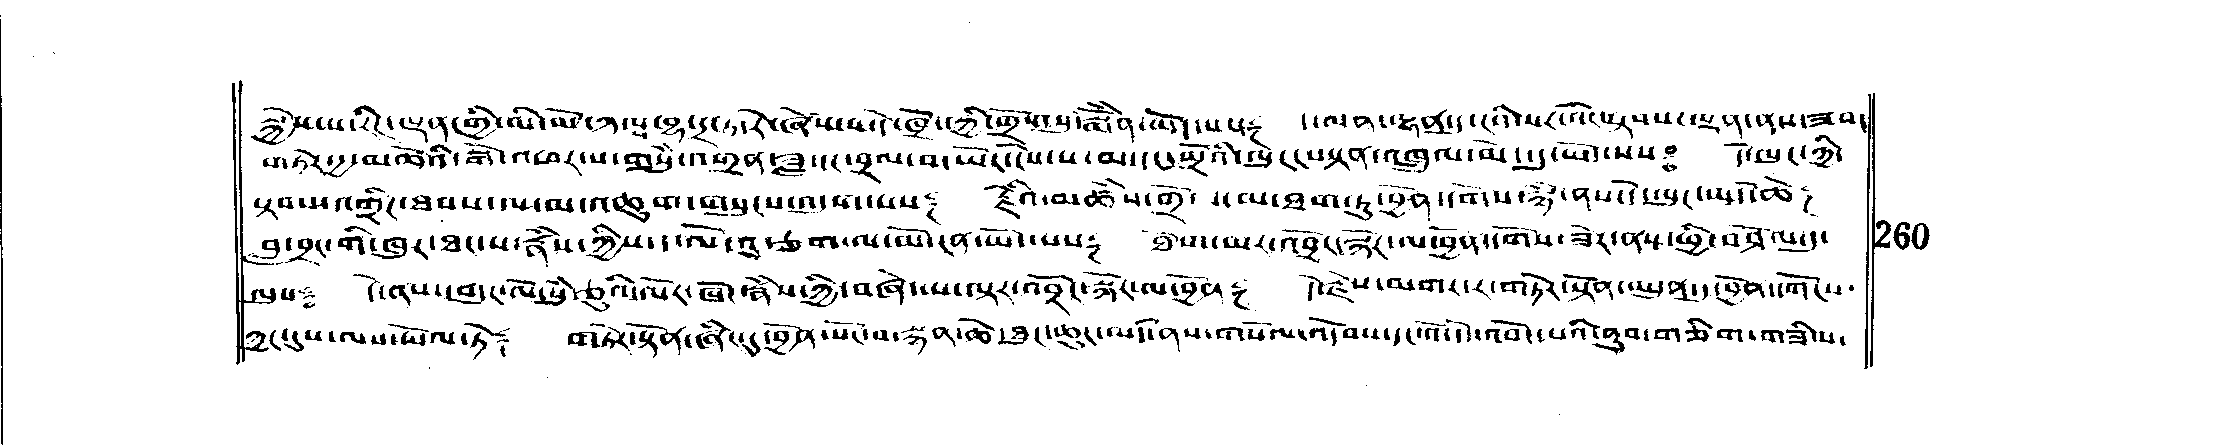སྐྱེས་པ་རིགས་ལྡན་གྱི་མི་མོ་ཀལྤ་བྷ་དྲ་ཏ་རེ་ཞེས་པ་དེ་ཁྱོད་ཀྱི་གྲོགས་སུ་སྨོན་ལམ་ཡོད་པས། ད་ལན་ལྷན་དུ་ངའི་སར་འོང་སྟབས་ལྡན་ནས་ཟབ་
གཏེར་རྒྱ་མཚོའི་སྒོ་འཕར་ས་གསུམ་འགྲན་ཟླ་དང་བྲལ་བ་ཡོང་ངེས་པ་མ་དང་མཁའ་འགྲོའི་ལུང་བསྟན་འཁྲུལ་མེད་དུ་ཡོད་པས། དེ་ལུགས་ཀྱི་
སྟབས་འགྲིག་ཐབས་ལ་མ་འཆུག་གསུངས་འདུག་པས། རྗེའི་མཚམས་གྲོལ་མ་ཐག་ཏུ་བྱོན་དགོས་སྙམ་ནས་དེ་ལུགས་མཛད་ཚེ། 
བླ་བྲང་གི་ཁུར་ཐང་པ་རྣམས་ཀྱིས་ད་ལོ་འུ་ཅག་ལ་མོ་ངན་ཡོད་པས། ཐོག་མར་འབྲོག་སྐོར་ལ་བྱོན་དགོས་ཟེར་ནས་ཕྱི་བཤོལ་དུ་
ལུས། དེ་ནས་དགུང་ལོ་སུམ་ཅུའི་ལོར་ཁོང་རྣམས་ཀྱི་བཞེད་པ་ལྟར་འབྲོག་སྐོར་ལ་བྱོན།དེ་རྗེས་མགར་ར་གཏེར་སྟོན་མདུན་དུ་བྱོན་དགོངས་
ཀྱང་དུས་ལས་ཡོལ་ཏེ། གཏེར་སྟོན་ཞིང་དུ་བྱོན་སོང་བ་སྙན་ཚེ་ཐུགས་ཆུང་མཛད་ནས་གསོལ་འདེབས་དང་འོ་དོད་འབོད་པའི་ནུབ་གཅིག་གཟིམ་